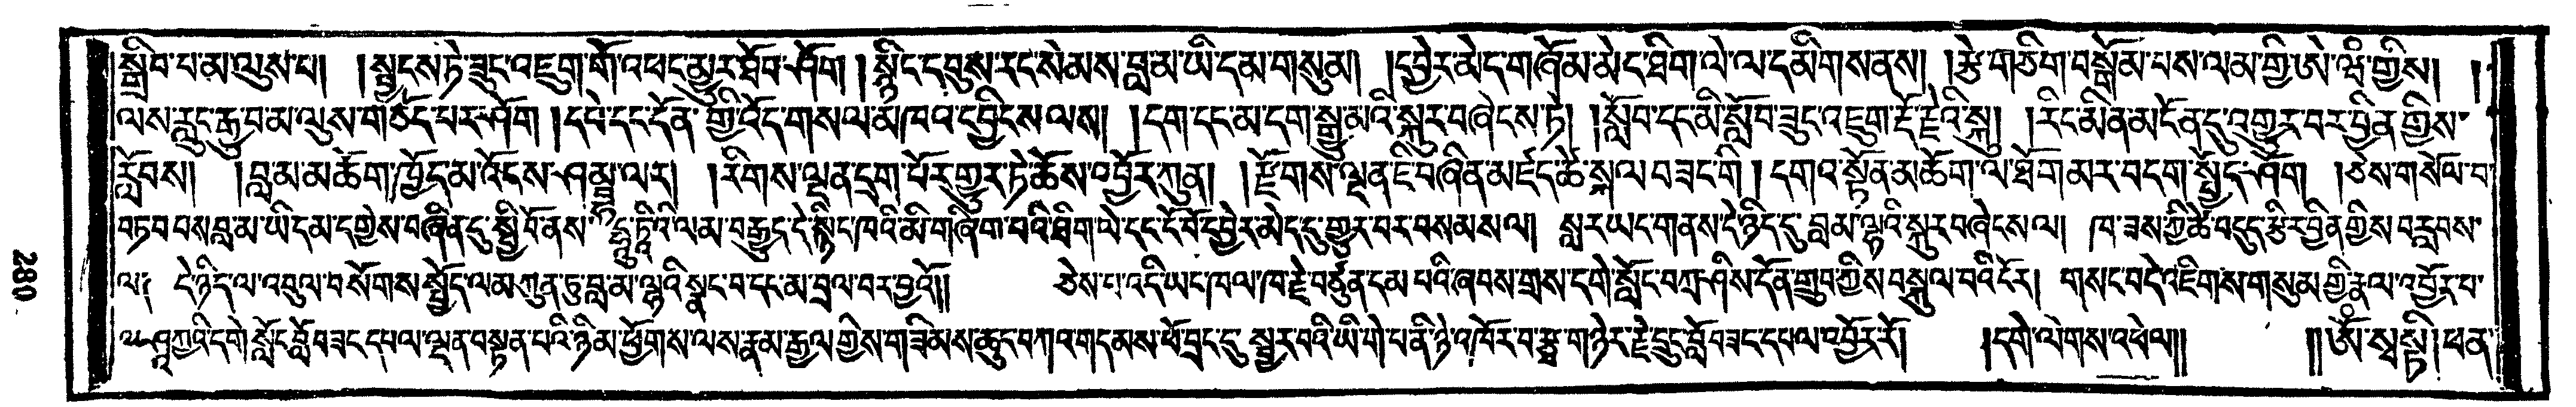སྒྲིབ་པ་མ་ལུས་པ། །སྦྱངས་ཏེ་ཟུང་འཇུག་གོ་འཕང་མྱུར་ཐོབ་ཤོག །སྙིང་དབུས་རང་སེམས་བླ་མ་ཡི་དམ་གསུམ། །དབྱེར་མེད་གཞོམ་མེད་ཐིག་ལེ་ལ་དམིགས་ནས། །རྩེ་གཅིག་བསྒོམ་པས་ལམ་གྱི་ཨེ་ཝཾ་གྱིས། །
ལས་རླུང་རྒྱུ་བ་མ་ལུས་གཅོད་པར་ཤོག །དཔེ་དང་དོན་གྱི་འོད་གསལ་མཁའ་དབྱིངས་ལས། །དག་དང་མ་དག་སྒྱུ་མའི་སྐུར་བཞེངས་ཏེ། །སློབ་དང་མི་སློབ་ཟུང་འཇུག་རྡོ་རྗེའི་སྐུ། །རིང་མིན་མངོན་དུ་འགྱུར་བར་བྱིན་གྱིས་
རློབས། །བླ་མ་མཆོག་ཁྱོད་མ་འོངས་ཤམྦྷ་ལར། །རིགས་ལྡན་དྲག་པོར་གྱུར་ཏེ་ཆོས་འབྱོར་ཀུན། །རྫོགས་ལྡན་ཇི་བཞིན་མཛད་ཚེ་སྐལ་བཟང་གི། དགའ་སྟོན་མཆོག་ལ་ཐོག་མར་བདག་སྤྱོད་ཤོག །ཅེས་གསོལ་བ་
བཏབ་པས་བླ་མ་ཡི་དམ་དགྱེས་བཞིན་དུ་སྤྱི་བོ་ནས་དྷཱུ་ཏཱིའི་ལམ་བརྒྱུད་དེ་སྙིང་ཁའི་མི་གཞིག་བའི་ཐིག་ལེ་དང་ངོ་བོ་དབྱེར་མེད་དུ་གྱུར་བར་བསམས་ལ། སླར་ཡང་གནས་དེ་ཉིད་དུ་བླ་མ་ལྷའི་སྐུར་བཞེངས་ལ། ཁ་ཟས་ཀྱི་ཚེ་བདུད་རྩིར་བྱིན་གྱིས་བརླབས་
ལ༑ དེ་ཉིད་ལ་འབུལ་བ་སོགས་སྤྱོད་ལམ་ཀུན་ཏུ་བླ་མ་ལྷའི་སྣང་བ་དང་མ་བྲལ་བར་བྱའོ།། ཅེས་པ་འདི་ཡང་ཁལ་ཁ་རྗེ་བཙུན་དམ་པའི་ཞབས་གྲས་དགེ་སློང་བཀྲ་ཤིས་དོན་གྲུབ་ཀྱིས་བསྐུལ་བའི་ངོར། གསང་བདེ་འཇིགས་གསུམ་གྱི་རྣལ་འབྱོར་པ་
༧་ཤཱཀྱའི་དགེ་སློང་བློ་བཟང་དཔལ་ལྡན་བསྟན་པའི་ཉི་མ་ཕྱོགས་ལས་རྣམ་རྒྱལ་གྱིས་གཟིམས་ཆུང་བཀའ་གདམས་ཕོ་བྲང་དུ་སྦྱར་བའི་ཡི་གེ་པ་ནི་ཉེ་འཁོར་བ་རྩྭ་གཉེར་རྗེ་དྲུང་བློ་བཟང་དཔལ་འབྱོར་རོ། །དགེ་ལེགས་འཕེལ།། །།ཨོཾ་སྭ་སྟི། ཕན་